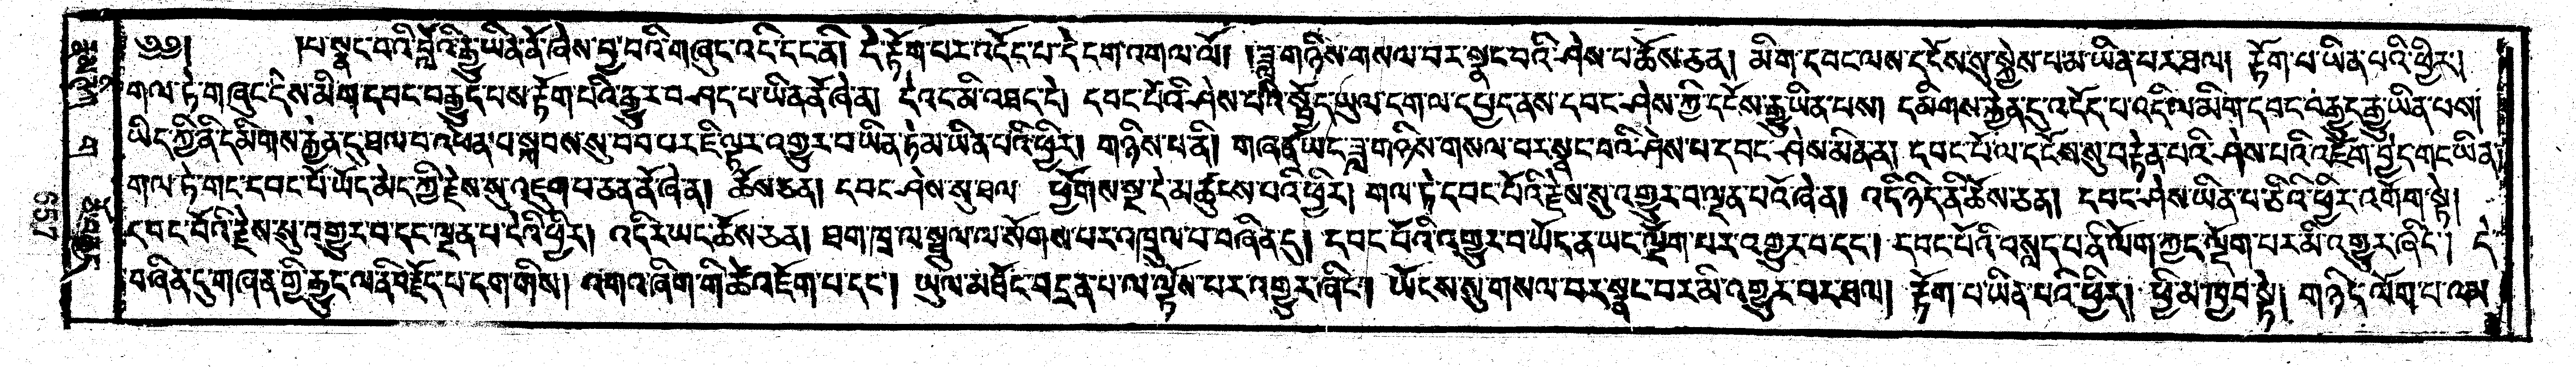༄༅། །པ་སྣང་པའི་བློའི་རྒྱུ་ཡིན་ནོ་ཞེས་བྱ་བའི་གཞུང་འདི་དང་ནི། དེ་རྟོག་པར་འདོད་པ་དེ་དག་འགལ་ལོ། །ཟླ་གཉིས་གསལ་བར་སྣང་བའི་ཤེས་པ་ཆོས་ཅན། མིག་དབང་ལས་དངོས་སུ་སྐྱེས་པ་མ་ཡིན་པར་ཐལ། རྟོག་པ་ཡིན་པའི་ཕྱིར།
གལ་ཏེ་གཞུང་དེས་མིག་དབང་བརྒྱུད་པས་རྟོག་པའི་རྒྱུར་བཤད་པ་ཡིན་ནོ་ཞེ་ན། དེའང་མི་འཐད་དེ། དབང་པོའི་ཤེས་པའི་སྦྱོད་ཡུལ་དག་ལ་དཔྱད་ནས་དབང་ཤེས་ཀྱི་དངོས་རྒྱུ་ཡིན་པས། དམིགས་རྐྱེན་དུ་འདོད་པ་འདི་ལ་མིག་དབང་བརྒྱུད་རྒྱུ་ཡིན་པས།
ཡིད་ཀྱི་ནི་དམིགས་རྐྱེན་དུ་ཐལ་བ་འཕེན་པ་སྐབས་སུ་བབ་པར་ཇི་ལྟར་འགྱུར་བ་ཡིན་ཏེ་མ་ཡིན་པའི་ཕྱིར། གཉིས་པ་ནི། གཞན་ཡང་ཟླ་གཉིས་གསལ་བར་སྣང་བའི་ཤེས་པ་དབང་ཤེས་མིན་ན། དབང་པོ་ལ་དངོས་སུ་བརྟེན་པའི་ཤེས་པའི་འཇོག་བྱེད་གང་ཡིན་
གལ་ཏེ་གང་དབང་པོ་ཡོད་མེད་ཀྱི་རྗེས་སུ་འཇུག་པ་ཅན་ནོ་ཞེ་ན། ཆོས་ཅན། དབང་ཤེས་སུ་ཐལ། ཕྱོགས་སྔ་དེ་མཚུངས་པའི་ཕྱིར། གལ་ཏེ་དབང་པོའི་རྗེས་སུ་འགྱུར་བ་ལྡན་པའོ་ཞེ་ན། འདི་ཉིད་ནི་ཆོས་ཅན། དབང་ཤེས་ཡིན་པ་ཅིའི་ཕྱིར་འགོག་སྟེ།
དབང་བོའི་རྗེས་སུ་འགྱུར་བ་དང་ལྡན་པ་དེའི་ཕྱིར། འདིར་ཡང་ཆོས་ཅན། ཐག་ཁྲ་ལ་སྦྲུལ་ལ་སོགས་པར་འཁྲུལ་བ་བཞིན་དུ། དབང་པོའི་འགྱུར་བ་ཡོད་ན་ཡང་ལྡོག་པར་འགྱུར་བ་དང་། དབང་པོའི་བསླད་པ་ནི་ལོག་ཀྱང་ལྡོག་པར་མི་འགྱུར་ཞིང་། དེ་
བཞིན་དུ་གཞན་གྱི་རྒྱུད་ལ་ནི་བརྗོད་པ་དག་གིས། འགའ་ཞིག་གི་ཚེ་འཇོག་པ་དང་། ཡུལ་མཐོང་བདྲན་པ་ལ་ལྟོས་པར་འགྱུར་ཞིང་། ཡོངས་སུ་གསལ་བར་སྣང་བར་མི་འགྱུར་བར་ཐལ། རྟོག་པ་ཡིན་པའི་ཕྱིར། ཕྱི་མ་ཁྱབ་སྟེ། གཉིད་ལོག་པ་ལམ་